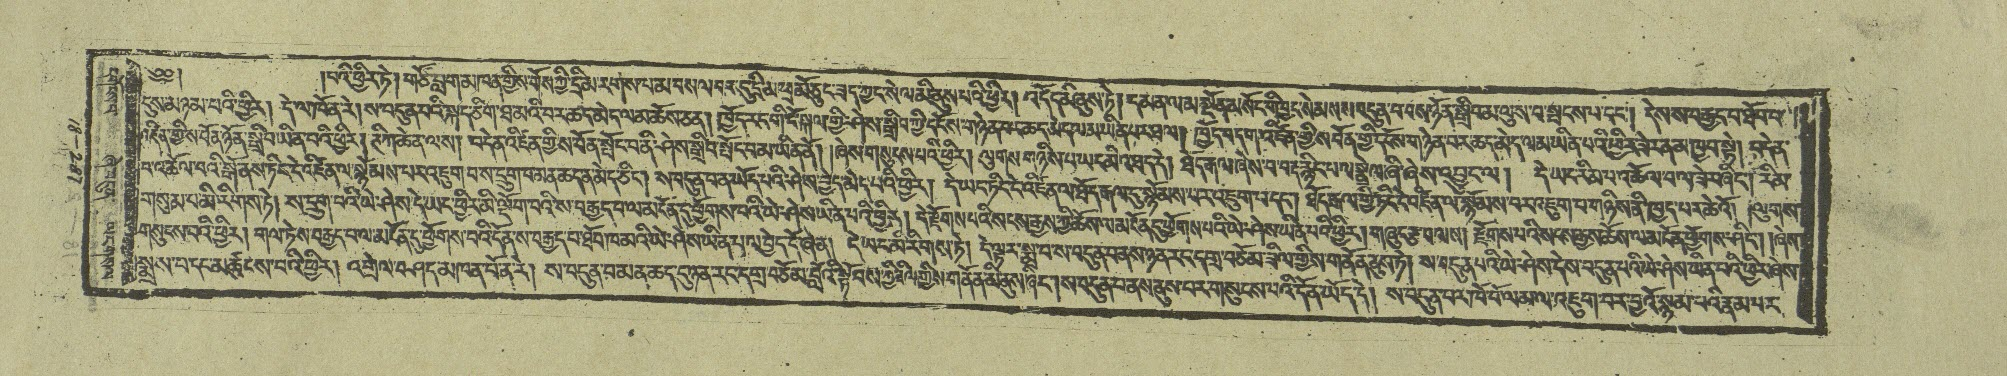༄༅། །པའི་ཕྱིར་ཏེ། གཙོ་བླག་མཁན་གྱིས་གོས་ཀྱི་དྲི་མ་རགས་པ་མ་བསལ་བར་དུ་དྲི་མ་ཕྲ་མོ་ཅུང་ཟད་ཀྱང་སེལ་མི་ནུས་པའི་ཕྱིར། འདོད་མི་ནུས་ཏེ། དམན་ལམ་སྔོན་མ་སོང་གི་བྱང་སེམས་ས་བདུན་པ་བས་ཉོན་སྒྲིབ་མ་ལུས་བ་སྤངས་པ་དང་། དེས་ས་བརྒྱད་པ་ཐོབ་པ་
དུས་མཉམ་པའི་ཕྱིར། དེ་ལ་ཁོ་ན་རེ། ས་བདུན་པའི་སྐད་ཅིག་ཐ་མའི་བར་ཆད་མེད་ལམ་ཆོས་ཅན། ཁྱོད་རང་གི་ངོ་སྐལ་གྱི་ཤེས་སྒྲིབ་ཀྱི་དངོས་གཉེན་བར་ཆད་མེད་ལམ་ཡིན་པར་ཐལ། ཁྱོད་བདག་འཛིན་གྱི་ས་བོན་གྱི་དངོས་གཉེན་བར་ཆད་མེད་ལམ་ཡིན་པའི་ཕྱིར་ཟེར་ན་མ་ཁྱབ་སྟེ། བདེན་
འཛིན་གྱིས་ཁོ་ན་ཉོན་སྒྲིབ་ཡིན་པའི་ཕྱིར། ཊིཀ་ཆེན་ལས། བདེན་འཛིན་གྱི་ས་བོན་སྤོང་བ་ནི་ཤེས་སྒྲིབ་སྤོང་བ་མ་ཡིན་ནོ། །ཞེས་གསུངས་པའི་ཕྱིར། ལུགས་གཉིས་པ་ཡང་མི་འཐད་དེ། ཐོད་རྒལ་ཞེས་པ་བརྡ་རྙིང་པ་ལ་སྣེལ་ཞི་ཞེས་འབྱུང་ལ། དེ་ཡང་རིམ་པ་འཚོལ་བ་ལ་ཟེར་ཞིང་། རིམ་
པ་འཚོལ་བའི་སྒོ་ནས་ཏིང་ངེ་འཛིན་ལ་སྙེམས་པར་འཇུག་པ་ས་དྲུག་པ་མན་ཆད་ན་མེད་ཅིང་། ས་བདུན་པ་ན་ཡོད་པའི་ཤེས་བྱེད་མེད་པའི་ཕྱིར། དེ་ཡང་ཏིང་ངེ་འཛིན་ལ་ཐོད་རྒལ་དུ་སྙོམས་པར་འཇུག་པ་དང་། ཐོད་རྒལ་གྱི་ཏིང་ངེ་འཛིན་ལ་སྙོམས་པར་འཇུག་པ་གཉིས་ནི་ཁྱད་པར་ཆེའོ། །ལུགས་
གསུམ་པ་མི་རིགས་ཏེ། ས་དྲུག་པའི་ཡེ་ཤེས་དེ་ཡང་ཕྱིར་མི་ལྡོག་པའི་ས་བརྒྱད་པ་ལ་མངོན་དུ་ཕྱོགས་པའི་ཡེ་ཤེས་ཡིན་པའི་ཕྱིར། དེ་རྫོགས་པའི་སངས་རྒྱས་ཀྱི་ཆོས་ལ་མངོན་དུ་ཕྱོགས་པའི་ཡེ་ཤེས་ཡིན་པའི་ཕྱིར། གཞུང་རྩ་བ་ལས། རྫོགས་པའི་སངས་རྒྱས་ཆོས་ལ་མངོན་ཕྱོགས་ཤིང་། །ཞེས་
གསུངས་པའི་ཕྱིར། གལ་ཏེ་ས་བརྒྱད་པ་ལ་མངོན་དུ་ཕྱོགས་པའི་དོན་ས་བརྒྱད་པ་ཐོབ་ཁ་མའི་ཡེ་ཤེས་ཡིན་པ་ལ་བྱེད་དོ་ཞེ་ན། དེ་ཡང་མི་རིགས་ཏེ། དེ་ལྟར་སྨྲ་བ་ས་བདུན་པ་ནས་ཉན་རང་དགྲ་བཅོམ་ཟིལ་གྱིས་གནོན་ནུས་ཏེ། ས་བདུན་པའི་ཡེ་ཤེས་དེ་ས་བདུན་པའི་ཡེ་ཤེས་ཡིན་པའི་ཕྱིར་ཞེས་
སྨྲས་པ་དང་མཚུངས་པའི་ཕྱིར། འགྲེལ་བཤད་མཁན་པོ་ན་རེ། ས་བདུན་པ་མན་ཆད་དུ་ཉན་རང་དགྲ་བཅོམ་བློའི་སྟོབས་ཀྱི་ཟིལ་གྱིས་གནོན་མི་ནུས་ཞིང་། ས་བདུན་པ་ནས་ནུས་པར་གསུངས་པའི་དོན་ཡོད་དེ། ས་བདུན་པར་ཁོ་བོ་ལམ་ལ་འཇུག་པར་བྱའོ་སྙམ་པའི་རྣམ་པར་